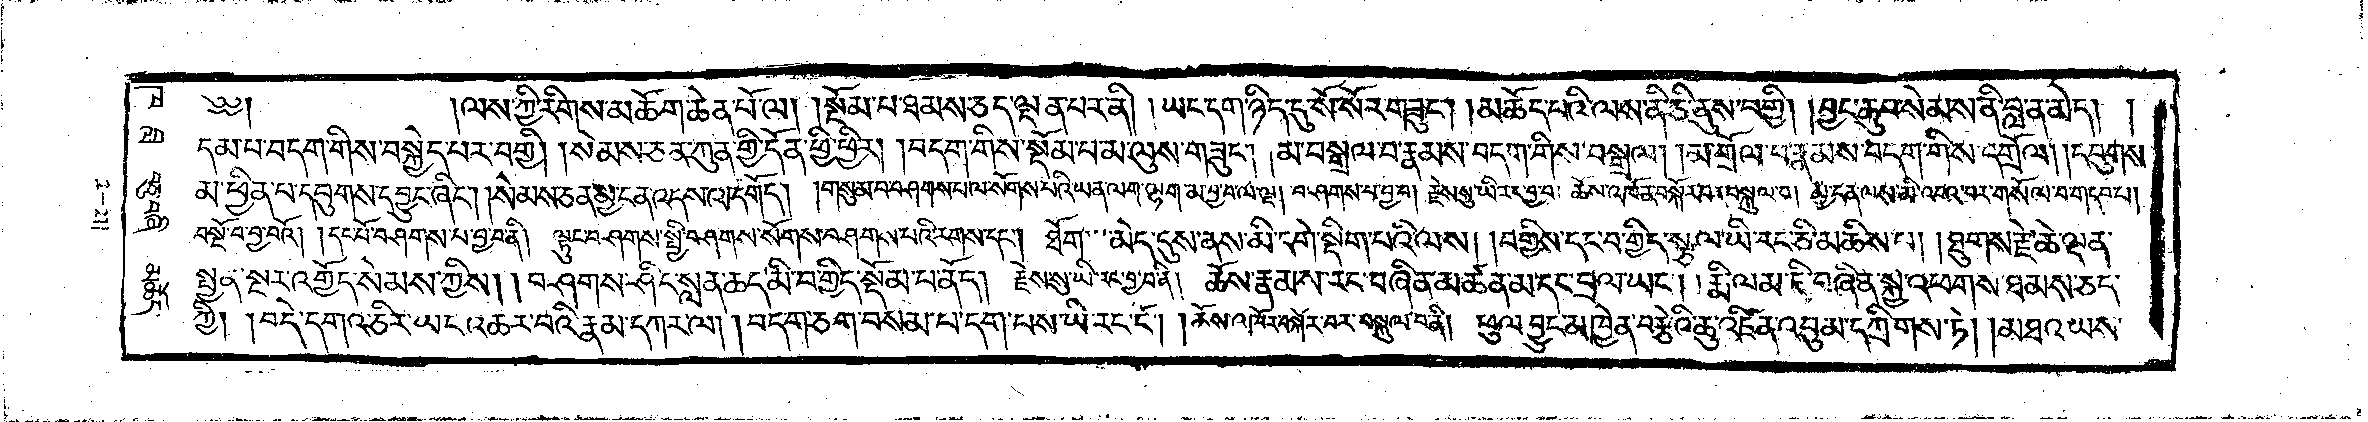༄༅། །ལས་ཀྱི་རིགས་མཆོག་ཆེན་པོ་ལ། །སྔོམ་པ་ཐམས་ཅད་ལྡན་པར་ནི། །ཡང་དག་ཉིད་དུ་སོ་སོར་གཟུང་། །མཆོད་པའི་ལས་ནི་ཅི་ནུས་བགྱི། །བྱང་ཆུབ་སེམས་ནི་བླ་ན་མེད། །
དམ་པ་བདག་གིས་བསྐྱེད་པར་བགྱི། །སེམས་ཅན་ཀུན་གྱི་དོན་ཕྱི་ཕྱིར། །བདག་གིས་སྡོམ་པ་མ་ལུས་གཟུང་། །མ་བསྒྲལ་བ་རྣམས་བདག་གིས་བསྒྲལ། །མ་གྲོལ་བ་རྣམས་བདག་གིས་དགྲོལ། །དབུགས་
མ་ཕྱིན་པ་དབུགས་དབྱུང་ཞིང་། །སེམས་ཅན་མྱ་ངན་འདས་ལ་དགོད། །གསུམ་བ་བཤགས་པ་ལ་སོགས་པའི་ཡན་ལག་ལྷག་མ་བྱ་བ་ལ་ལྔ། བཤགས་པ་བྱ་བ། རྗེས་སུ་ཡི་རང་བྱ་བ། ཆོས་འཁོར་བསྐོར་བར་བསྐུལ་བ། མྱ་ངན་ལས་མི་འབའ་བར་གསོལ་བ་གདབ་པ།
བསྔོ་བ་བྱ་བའོ། །དང་པོ་བཤགས་པ་བྱ་བ་ནི། ལྟུང་བཤགས་སྤྱི་བཤགས་སོགས་བཤགས་པའི་རགས་དང་། ཐོག་མེད་དུས་ནས་མི་དགེ་སྡིག་པའི་ལས། །བགྱིས་དང་བ་གྱིད་སྩལ་ཡི་རང་ཅི་མཆིས་ལ། །ཐུགས་རྗེ་ཆེ་ལྡན་
སྤྱན་སྔར་འགྱོད་སེམས་ཀྱིས། །བཤད་ཤིང་སླེན་ཆད་མི་བ་གྱིད་སྡོམ་པ་ནོད། རྗེས་སུ་ཡི་རང་བྱ་བ་ནི།  ཆོས་རྣམས་རང་བཞིན་མཚན་མ་དང་བྲལ་ཡང་། །རྨི་ལམ་ཇི་བཞིན་སྐྱ་འཕགས་ཐམས་ཅད་
ཀྱི། །བདེ་དགའ་ཅིར་ཡང་འཆར་བའི་རྣམ་དཀར་ལ། །བདག་ཅག་བསམ་པ་དག་བས་ཡི་རང་ངོ། །ཆོས་འཁོར་བསྐོར་བར་བསྐུལ་བ་ནི།  ཕུལ་བྱུང་མཁྱེན་བརྩེའི་ཆུ་འཛིན་འབུ་མ་དཀྲིགས་ཏེ། །མཐའ་ཡས་